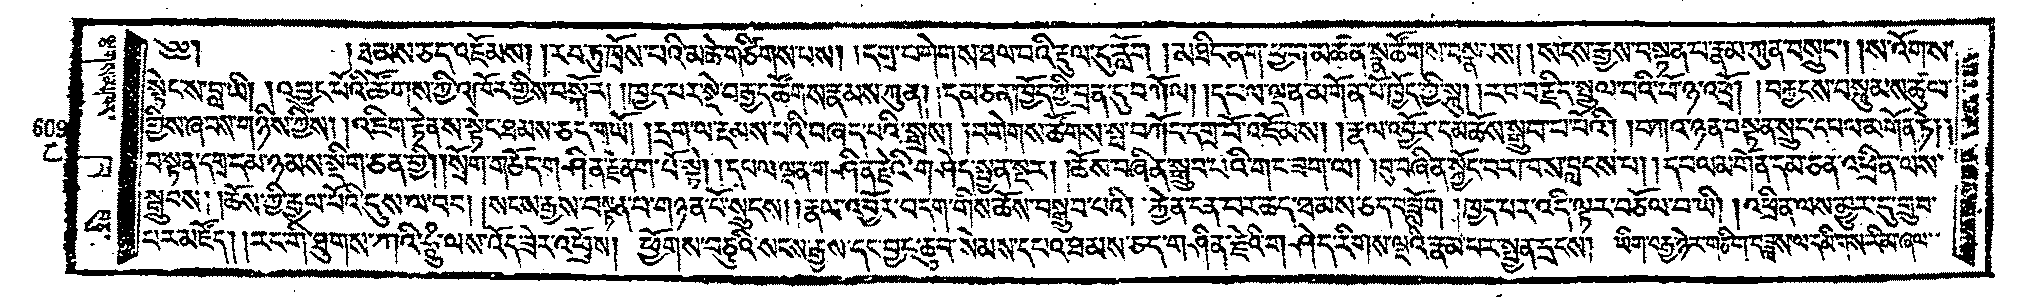༄༅། །ཐམས་ཅད་འཇོམས། །རབ་ཏུ་ཁྲོས་པའི་མཆེ་གཙིགས་པས། །དགྲ་བགེགས་ཐལ་བའི་རྡུལ་དུ་རློག །མཐིང་ནག་ཕྱག་མཚན་སྣ་ཚོགས་བསྣམས། །སངས་རྒྱས་བསྟན་པ་རྣམ་ཀུན་བསྲུང་། །ས་འོག་ས་
སྟེང་ས་བླ་ཡི། །འབྱུང་པོའི་ཚོགས་ཀྱི་འཁོར་གྱིས་བསྐོར། །ཁྱད་པར་སྡེ་བརྒྱད་ཚོགས་རྣམས་ཀུན། །དམ་ཅན་ཁྱོད་ཀྱི་བྲན་དུ་བཀོལ། །དཔལ་ལྡན་མགོན་པོ་ཁྱོད་ཀྱི་སྐུ། །རབ་བརྗིད་སྤྲུལ་པའི་ཕོ་ཉ་འཕྲོ། །བརྐྱངས་བསྐུམས་ཚུལ་
གྱིས་ཞབས་གཉིས་ཀྱིས། །འཇིག་རྟེན་ས་སྟེང་ཐམས་ཅད་གཡོ། །དྲག་ལ་རྔམས་པའི་བཞད་པའི་སྒྲས། །བགེགས་ཚོགས་སྤ་བཀོད་དགྲ་བོ་འཇོམས། །རྣལ་འབྱོར་དམ་ཆོས་སྒྲུབ་པ་པོའི། །བཀའ་ཉན་བསྟན་སྲུང་དཔལ་མགོན་ཏེ། །
བསྟན་དགྲ་དམ་ཉམས་སྡིག་ཅན་གྱི། །སྲོག་གཅོད་གཤིན་རྗེ་ནག་པོ་སྟེ། །དཔལ་ལྡན་གཤིན་རྗེའི་གཤེད་སྤྱན་སྔར། །ཆོས་བཞིན་སྒྲུབ་པའི་གང་ཟག་ལ། །བུ་བཞིན་སྐྱོང་བར་ཁས་བླངས་པ། །དཔལ་མགོན་དམ་ཅན་འཕྲིན་ལས་
སྒྲུབས། །ཆོས་ཀྱི་རྒྱལ་པོའི་དུས་ལ་བབ། །སངས་རྒྱས་བསྟན་པ་གཉན་པོ་སྲུངས། །རྣལ་འབྱོར་བདག་གིས་ཆོས་བསྒྲུབ་པའི། །རྐྱེན་ངན་བར་ཆད་ཐམས་ཅད་བཟློག །ཁྱད་པར་འདི་ལྟར་བཅོལ་བ་ཡི། །འཕྲིན་ལས་མྱུར་དུ་གྲུབ་
པར་མཛོད། །རང་གི་ཐུགས་ཀའི་ཧཱུཾ་ལས་འོད་ཟེར་འཕྲོས། ཕྱོགས་བཅུའི་སངས་རྒྱས་དང་བྱང་ཆུབ་སེམས་དཔའ་ཐམས་ཅད་གཤིན་རྗེའི་གཤེད་རིགས་ལྔའི་རྣམ་པར་སྤྱན་དྲངས། ཡིག་བརྒྱ་ཉེར་གཅིག་བཟླས་ལ་དམིགས་རིམ་ཞལ་